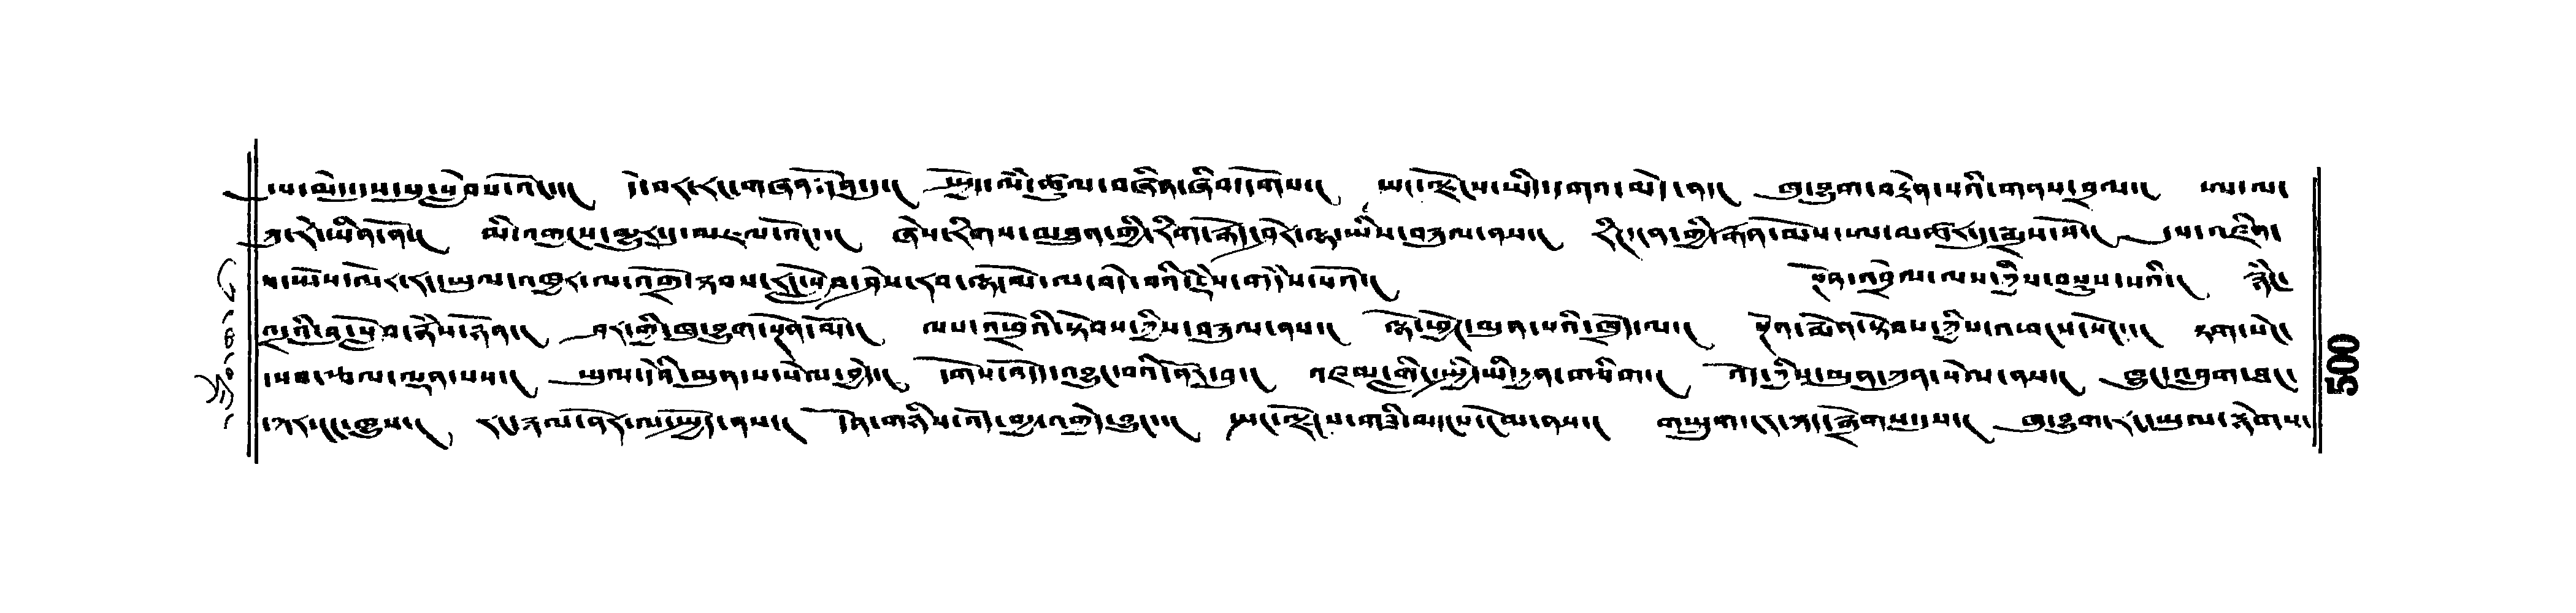།དུས་མེད་དུས་སུ་སླེབས་འོང་། །དེ་བར་རང་གཞན་དོན་དུ། །སྤྱོད་ལམ་ཚུལ་བཞིན་ཞིབ་དགོས། །སྤང་ལྗོངས་ཡིད་དགའ་མེད་ན། ཁུ་བྱུག་བརྟེན་པའི་གནས་བྲལ། །ཨ་ལ་
ཀུ་རེ་ཡིན་ནོ། །མི་འགྱངས་མྱུར་དུ་མཇལ་འོང་། ཞེས་རིགས་མཐུན་གྱི་རིག་རྒོད། །ཤེར་ལྷ་ཡིས་བསྐུལ་ནས། རིགས་ངན་གྱི་རྒན་མོས། །ཨ་མཚར་དུ་སྨྲས་སོ།དུས་འཛིན་
ས་ཡོས་ལོར་རང་ཡུལ་འཁྱར་ལ་འགྲོ་སྐབས་རང་སློབ་ཤེས་རབ་ལྷ་མོ་ལ་བདེ་བའི་རྡོ་རྗེས་གདམས་པའོ།། སྔོན་འབྲེལ་ལས་ཀྱིས་བསྡུས་པའི། །སྙིང་
འདྲའི་བུ་སློབ་རྣམས་ཉོན། །ཤར་གྱི་ཁུ་བྱུག་སྔོན་མོ། །ལས་འཕྲོའི་སྟོབས་ཀྱིས་བསྐུལ་ནས། །ལྷོ་ཕྱོགས་མུན་པའི་ཁྲོད་ལ། །སྔོན་སྨོན་སྟོབས་ཀྱིས་འཕངས་སོང་། །སྟག་སེང་
དཔའ་རྩལ་ལྡན་པས། །ཡུལ་དེའི་མུན་པ་སེལ་བྱེད། །དགོས་འདོད་འབྱུང་བའི་ནོར་བུ། །འཛམ་གླིང་སྤྱི་ཡི་རྒྱན་གཅིག །འོད་ཀྱིས་མུན་ཀུན་སེལ་ནས། ཁྱུང་འབྲུག་ཐང་
དཀར་ངང་ཁྱུས། །རང་སྐལ་ནོར་ལ་སྤྱོད་ནས། །དོན་གཉིས་འོད་བརྒྱ་འགྱེད་བྱུང་། །སྤང་ལྗོངས་གཟི་མདངས་ངོམ་ནས། །གཡུ་དྲུག་ངར་སྐད་སྒྲོགས་དུས། ཁུ་བྱུག་རང་ཡུལ་སྙེགས་